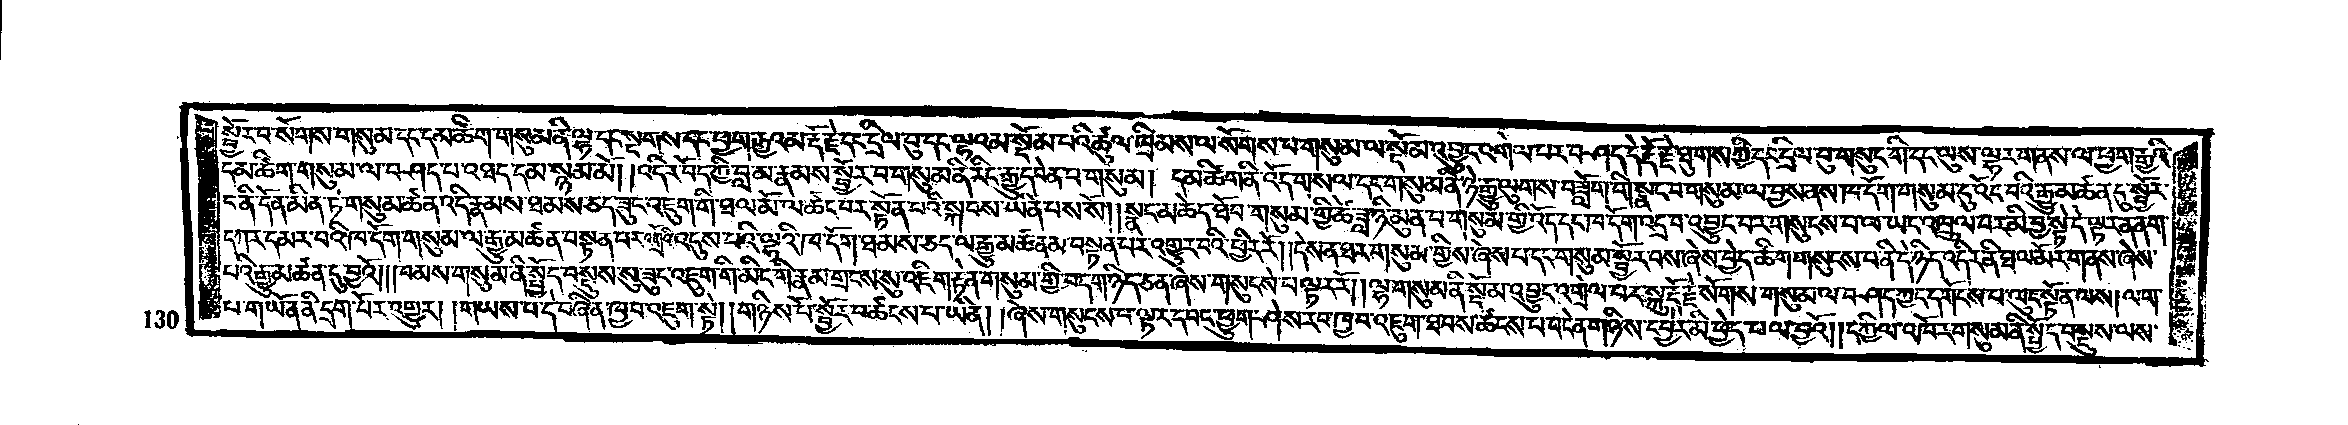སྦྱོར་བ་སོགས་གསུམ་དང་དམ་ཚིག་གསུམ་ནི་ལྷ་དང་སྔགས་དང་ཕྱག་རྒྱའམ་རྡོ་རྗེ་དང་དྲིལ་བུ་དང་ལྷའམ་སྡོམ་པའི་ཚུལ་ཁྲིམས་ལ་སོགས་པ་གསུམ་ལ་སྡོམ་འབྱུང་འགྲེལ་པར་བཤད་དེ་རྡོ་རྗེ་ཐུགས་ཀྱི་དང་དྲིལ་བུ་གསུང་གི་དང་ལུས་ལྷར་གནས་ལ་ཕྱག་རྒྱའི་
དམ་ཚིག་གསུམ་ལ་བཤད་པ་འཐད་དམ་སྙམ་མོ། །འདིར་བོད་ཀྱི་བླ་མ་རྣམས་སྦྱོར་བ་གསུམ་ནི་རིང་རྒྱུ་དབེན་པ་གསུམ། དམ་ཚིག་ནི་འོད་གསལ་དང་གསུམ་ནི་ཉེ་རྒྱུ་ལུགས་བཟློག་གི་སྣང་བ་གསུམ་ལ་བྱས་ནས་ཁ་དོག་གསུམ་དུ་འོང་བའི་རྒྱུ་མཚན་དུ་སྦྱོར་
ང་ནི་དོན་མིན་ཏེ་གསུམ་ཚན་འདི་རྣམས་ཐམས་ཅད་ཟུང་འཇུག་གི་ཐལ་མོ་ལ་ཚང་བར་སྟོན་པའི་སྐབས་ཡིན་པས་སོ། །སྣང་མཆེད་ཐོབ་གསུམ་གྱི་ཚེ་ཟླ་ཉི་མུན་པ་གསུམ་གྱི་འོད་དང་ཁ་དོག་འདྲ་བ་འབྱུང་བར་གསུངས་པ་ལ་ཡང་འཁྲུལ་བར་མི་བྱ་སྟེ་དེ་ལྟར་ན་ནག་
དཀར་དམར་བའི་ཁ་དོག་གསུམ་ལ་རྒྱུ་མཚན་བསྟན་པར་འགྲོའི་འདུས་པའི་ལྷའི་ཁ་དོག་ཐམས་ཅད་ལ་རྒྱུ་མཚན་མ་བསྟན་པར་འགྱུར་བའི་ཕྱིར་རོ། །དེས་ན་ཐར་གསུམ་གྱིས་ཞེས་པ་དང་གསུམ་སྦྱོར་བས་ཞེས་བྱེད་ཚིག་གསུངས་པ་ནི་དེ་ཉིད་འདིར་ནི་ཐལ་མོར་གནས་ཞེས་
པའི་རྒྱུ་མཚན་དུ་བྱའོ། །ཁམས་གསུམ་ནི་སྤྱོད་བསྡུས་སུ་ཟུང་འཇུག་གི་མིང་གི་རྣམ་གྲངས་སུ་འཇིག་རྟེན་གསུམ་གྱི་བདག་ཉིད་ཅན་ཞེས་གསུངས་པ་ལྟར་རོ། །ལྷ་གསུམ་ནི་སྡོམ་འབྱུང་འགྲེལ་པར་སྐུ་རྡོ་རྗེ་སོགས་གསུམ་ལ་བཤད་ཀྱང་དགོངས་པ་ལུང་སྟོན་ལས། ལག་
པ་གཡོན་ནི་དྲག་པོར་འགྱུར། །གཡས་པ་དེ་བཞིན་ཁྱབ་འཇུག་སྟེ། །གཉིས་པོ་སྦྱོར་བ་ཚངས་པ་ཡིན། །ཞེས་གསུངས་པ་ལྟར་དབང་ཕྱུག་ཤེས་རབ་ཁྱབ་འཇུག་ཐབས་ཚངས་པ་བདེན་གཉིས་དབྱེར་མི་ཕྱེད་པ་ལ་བྱའོ། །དཀྱིལ་འཁོར་གསུམ་ནི་སྤྱོད་བསྡུས་ལས་